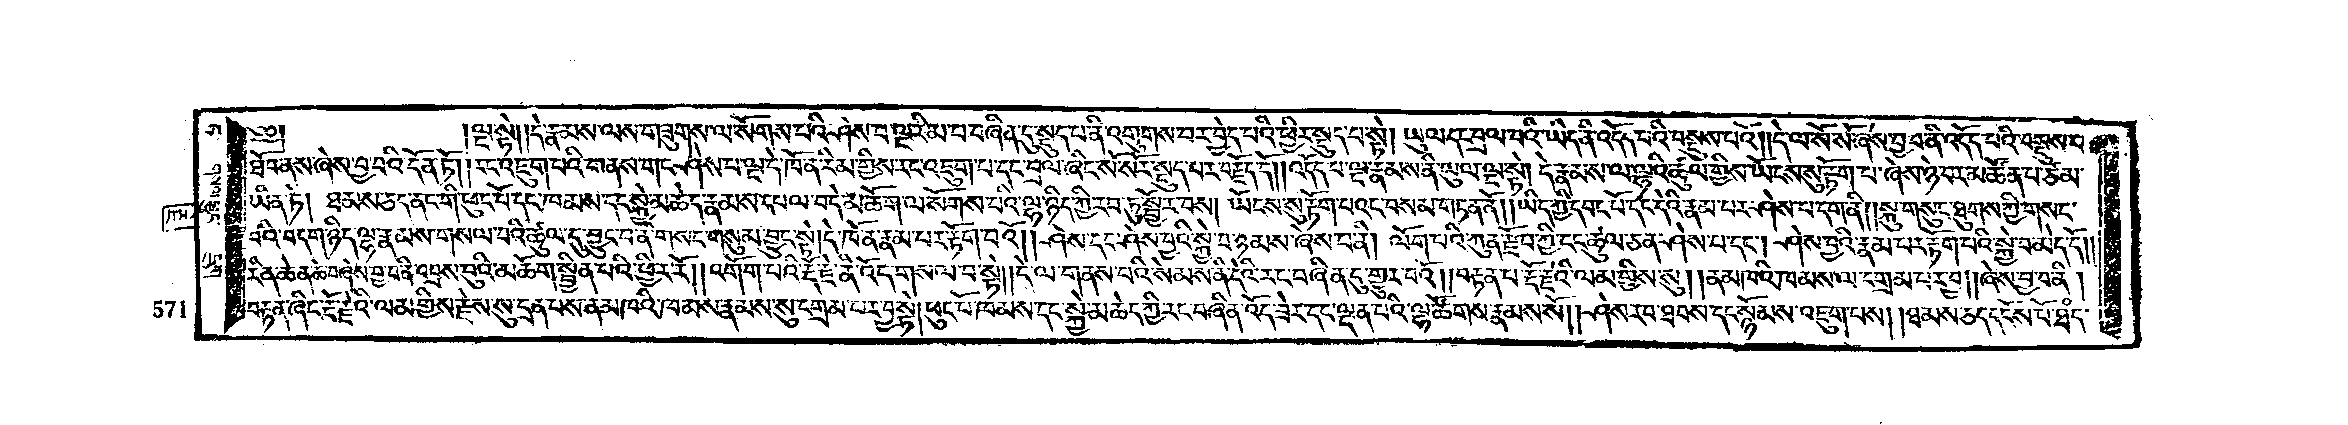༄༅། །ལྔ་སྟེ། །དེ་རྣམས་ལས་གཟུགས་ལ་སོགས་པའི་ཤེས་པ་ལྔ་རིམ་པ་བཞིན་དུ་སྡུད་པ་ནི་འགུགས་པར་བྱེད་པའི་ཕྱིར་སྡུད་པ་སྟེ། ཡུལ་དང་བྲལ་བའི་ཡིད་ནི་འདོད་པའི་བསྡུས་པའོ། །དེ་ལ་སོ་སོ་ཞེས་བྱ་བ་ནི་འདོད་པའི་བསྡུས་པ་
ཐོབ་ནས་ཞེས་བྱ་བའི་དོན་ཏོ། །རང་འཇུག་པའི་གནས་གང་ཤེས་པ་ལྔ་དེ་ཁོ་ན་རིམ་གྱིས་རང་འཇུག་པ་དང་བྲལ་ཞིང་སོ་སོར་སྡུད་པར་བརྗོད་དོ། །འདོད་པ་ལྔ་རྣམས་ནི་ཡུལ་ལྔ་སྟེ། དེ་རྣམས་ལ་ལྷའི་ཚུལ་གྱིས་ཡོངས་སུ་རྟོག་པ་ཞེས་ཉེ་བར་མཚོན་པ་ཙམ་
ཡིན་ཏེ། ཐམས་ཅད་ནང་གི་ཕུང་པོ་དང་ཁམས་དང་སྐྱེ་མཆེད་རྣམས་དཔལ་བདེ་མཆོག་ལ་སོགས་པའི་ལྷ་ཉིད་ཀྱི་རབ་ཏུ་སྦྱོར་བས། ཡོངས་སུ་རྟོག་པའང་བསམ་གཏན་ནོ། །ཡིད་ཀྱི་དབང་པོ་དང་དེའི་རྣམ་པར་ཤེས་པ་དག་ནི། །སྐུ་གསུང་ཐུགས་ཀྱི་གསང་
བའི་བདག་ཉིད་ལྷ་རྣམས་གསལ་བའི་ཚུལ་དུ་བྱུང་བ་ནི་གསང་གསུམ་བྱུང་སྟེ། དེ་ཁོ་ན་རྣམ་པར་རྟོག་པའོ། །ཤེས་དང་ཤེས་བྱའི་སྐྱེ་བ་ཉམས་ཞེས་པ་ནི། ལོག་པའི་ཀུན་རྫོབ་ཀྱི་ངང་ཚུལ་ཅན་ཤེས་པ་དང་། ཤེས་བྱའི་རྣམ་པར་རྟོག་པའི་སྐྱེ་བ་མེད་དོ། །
རིན་ཆེན་ཆེ་བ་ཞེས་བྱ་བ་ནི་འབྲས་བུའི་མཆོག་སྦྱིན་པའི་ཕྱིར་རོ། །འགོག་པའི་རྡོ་རྗེ་ནི་འོད་གསལ་བ་སྟེ། །དེ་ལ་གནས་པའི་སེམས་ནི་དེའི་རང་བཞིན་དུ་གྱུར་བའོ། །བརྟན་པ་རྡོ་རྗེའི་ལམ་གྱིས་སུ། །ནམ་མཁའི་ཁམས་ལ་དགྲམ་པར་བྱ། །ཞེས་བྱ་བ་ནི།
བརྟན་ཞིང་རྡོ་རྗེའི་ལམ་གྱིས་རྗེས་སུ་དྲན་པས་ནམ་མཁའི་ཁམས་རྣམས་སུ་དགྲམ་པར་བྱ་སྟེ། ཕུང་པོ་ཁམས་དང་སྐྱེ་མཆེད་ཀྱི་རང་བཞིན་འོད་ཟེར་དང་ལྡན་པའི་ལྷ་ཚོགས་རྣམས་སོ། །ཤེས་རབ་ཐབས་དང་སྙོམས་འཇུག་པས། །ཐམས་ཅད་དངོས་པོ་ཐམས་